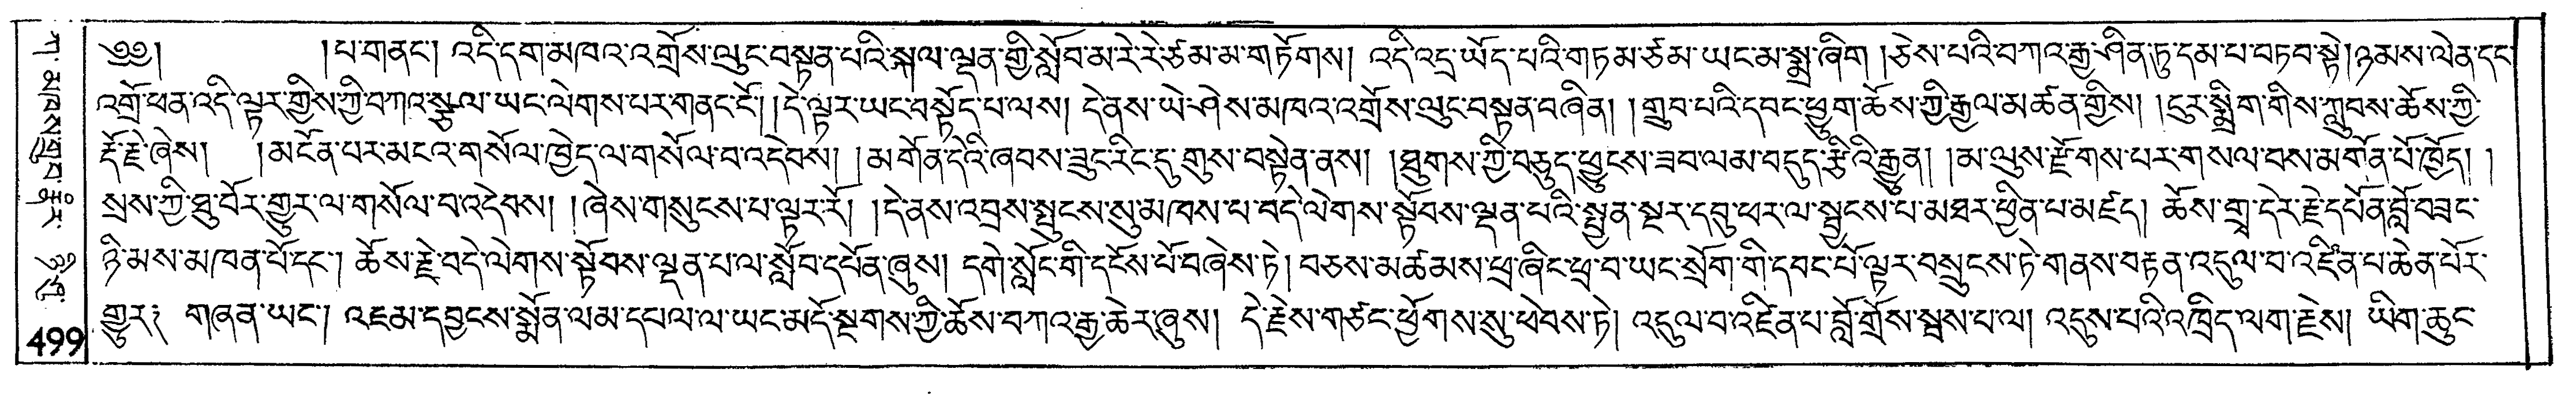༄༅། །པ་གནང་། འདི་དག་མཁའ་འགྲོས་ལུང་བསྟན་པའི་སྐལ་ལྡན་གྱི་སློབ་མ་རེ་རེ་ཙམ་མ་གཏོགས། འདི་འདྲ་ཡོད་པའི་གཏམ་ཙམ་ཡང་མ་སྨྲ་ཞིག །ཅེས་པའི་བཀའ་རྒྱ་ཤིན་ཏུ་དམ་པ་བཏབ་སྟེ། ཉམས་ལེན་དང་
འགྲོ་ཕན་འདི་ལྟར་གྱིས་ཀྱི་བཀའ་སྩལ་ཡང་ལེགས་པར་གནང་ངོ། །དེ་ལྟར་ཡང་བསྟོད་པ་ལས། དེ་ནས་ཡེ་ཤེས་མཁའ་འགྲོས་ལུང་བསྟན་བཞིན། །གྲུབ་པའི་དབང་ཕྱུག་ཆོས་ཀྱི་རྒྱལ་མཚན་གྱིས། །ངུར་སྨྲིག་གིས་ཀླུབས་ཆོས་ཀྱི་
རྡོ་རྗེ་ཞེས། །མངོན་པར་མངའ་གསོལ་ཁྱེད་ལ་གསོལ་བ་འདེབས། །མགོན་དེའི་ཞབས་ཟུང་རིང་དུ་གུས་བསྟེན་ནས། །ཐུགས་ཀྱི་བཅུད་ཕྱུངས་ཟབ་ལམ་བདུད་རྩིའི་རྒྱུན། །མ་ལུས་རྫོགས་པར་གསལ་བས་མགོན་པོ་ཁྱོད། །
སྲས་ཀྱི་ཐུ་བོར་གྱུར་ལ་གསོལ་བ་འདེབས། །ཞེས་གསུངས་པ་ལྟར་རོ། །དེ་ནས་འབྲས་སྤུངས་སུ་མཁས་པ་བདེ་ལེགས་སྟོབས་ལྡན་པའི་སྤྱན་སྔར་དབུ་ཕར་ལ་སྦྱངས་པ་མཐར་ཕྱིན་པ་མཛད། ཆོས་གྲྭ་དེར་རྗེ་དཔོན་བློ་བཟང་
ཉི་མས་མཁན་པོ་དང་། ཆོས་རྗེ་བདེ་ལེགས་སྟོབས་ལྡན་པ་ལ་སློབ་དཔོན་ཞུས། དགེ་སློང་གི་དངོས་པོ་བཞེས་ཏེ། བཅས་མཚམས་ཕྲ་ཞིང་ཕྲ་བ་ཡང་སྲོག་གི་དབང་པོ་ལྟར་བསྲུངས་ཏེ་གནས་བརྟན་འདུལ་བ་འཛིན་པ་ཆེན་པོར་
གྱུར༑ གཞན་ཡང་། འཇམ་དབྱངས་སྨོན་ལམ་དཔལ་ལ་ཡང་མདོ་སྔགས་ཀྱི་ཆོས་བཀའ་རྒྱ་ཆེར་ཞུས། དེ་རྗེས་གཙང་ཕྱོགས་སུ་ཕེབས་ཏེ། འདུལ་བ་འཛིན་པ་བློ་གྲོས་སྦས་པ་ལ། འདུས་པའི་འཁྲིད་ལག་རྗེས། ཡིག་ཆུང་